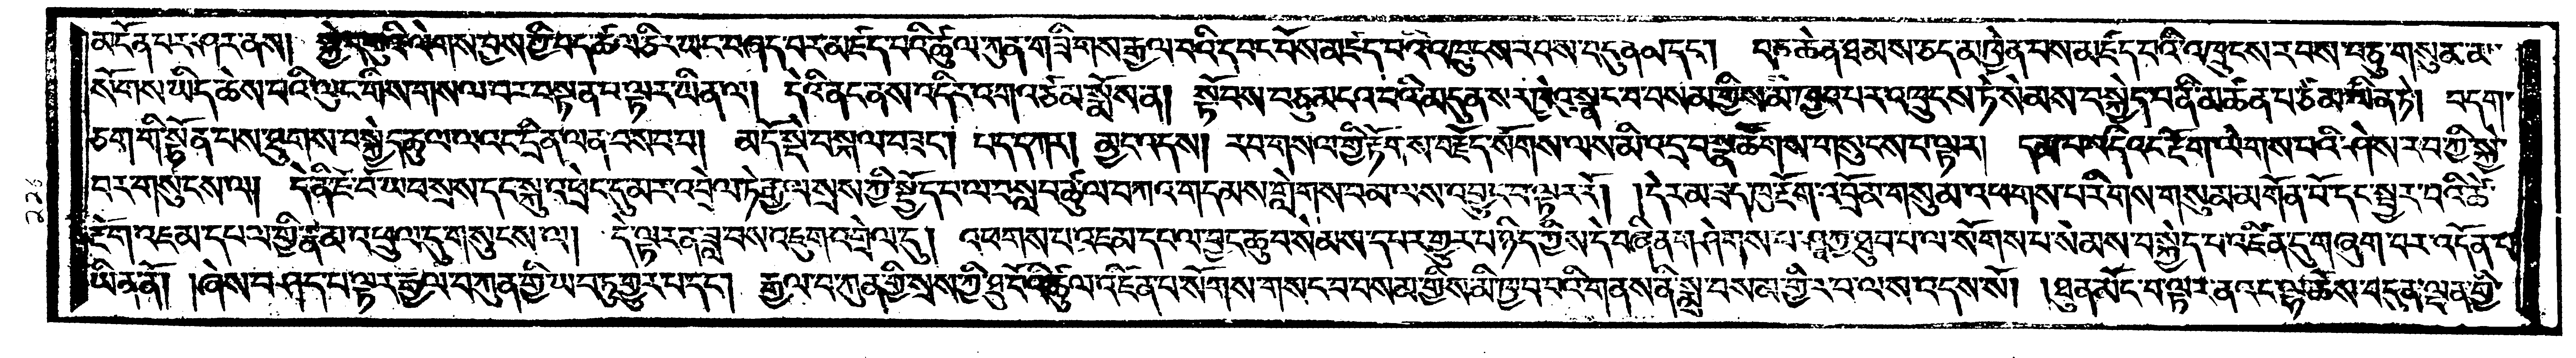མངོན་པར་ཤར་ནས། སྐྱེ་དགུའི་ལེགས་བྱས་ཀྱི་བད་ཚལ་ཅིར་ཡང་བཤད་པར་མཛད་པའི་ཚུལ་ཀུན་གཟིགས་རྒྱལ་བའི་དབང་བོས་མཛད་པའི་འཁྲུངས་རབས་བདུན་མ་དང་། པཎ་ཆེན་ཐམས་ཅད་མཁྱེན་པས་མཛད་པའི་འཁྲུངས་རབས་བཅུ་གསུམ་མ་
སོགས་ཡིད་ཆོས་པའི་ལུང་གིས་གསལ་བར་བསྟན་པ་ལྟར་ཡིན་ལ། དེའི་ནང་ནས་འདིར་འགའ་ཙམ་སྨོས་ན། སྟོབས་བཅུ་མངའ་བའི་མདུན་སར་ཁྱེའུ་སྣང་བས་བསམ་གྱིས་མི་ཁྱབ་པར་འཁྲུངས་ཏེ་སེམས་བསྐྱེད་པ་ནི་མཚན་པ་ཙམ་ཡིན་ཏེ། བདག་
ཅག་གི་སྟོན་པས་ཐུགས་བསྐྱེད་ཆུལ་ལའང་དྲིན་ལན་བསབ་པ། མདོ་སྡེ་བསྐལ་བཟང་། པད་དཀར། མྱང་འདས། རབ་གསལ་གྱི་རྟོགས་བརྗོད་སོགས་ལས་མི་འདྲ་བ་སྣ་ཚོགས་གསུངས་པ་ལྟར། དམ་པ་འདི་འང་རྫོག་ལེགས་པའི་ཤེས་རབ་ཀྱི་སྐྱེ་
བར་གསུངས་ལ། དེ་ནི་ཇོ་བོ་ཡབ་སྲས་དང་སྐུ་འཕྲེང་དུ་མར་འབྲེལ་ཏེ་རྒྱལ་སྲས་ཀྱི་སྤྱོད་པ་ལ་བསླབ་ཚུལ་བཀའ་གདམས་གླེགས་བམ་ལས་འབྱུང་བ་ལྟར་རོ། །དེར་མ་ཟད་ཁུ་རྔོག་འབྲོམ་གསུམ་འཕགས་པ་རིགས་གསུམ་མགོན་པོ་དང་སྦྱར་བའི་ཚེ་
རྔོག་འཇམ་དཔལ་གྱི་རྣམ་འཕྲུལ་དུ་གསུངས་ལ། དེ་ལྟར་ན་ཟླ་བས་འཇུག་འགྲེལ་དུ། འཕགས་པ་འཇམ་དཔལ་བྱང་ཆུབ་སེམས་དཔར་གྱུར་པ་ཉིད་ཀྱིས་དེ་བཞིན་གཤེགས་པ་ཤཱཀྱ་ཐུབ་པ་ལ་སོགས་པ་སེམས་བསྐྱེད་པ་འཛིན་དུ་གཞུག་པར་འདོན་པ་
ཡིན་ནོ། །ཞེས་བཤད་པ་ལྟར་རྒྱལ་བཀུན་གྱི་ཡབ་ཏུ་གྱུར་པ་དང་། རྒྱལ་བ་ཀུན་གྱི་སྲས་ཀྱི་ཐུ་བོའི་ཚུལ་འཛིན་པ་སོགས་གསང་བབས་མ་གྱིས་མི་ཁྱབ་པའི་གནས་ནི་སྨྲ་བསམ་གྱི་རབ་ལས་འདས་སོ། །ཐུན་མོང་བ་ལྟར་ནའང་ལྷོ་ཆོས་བདུན་ལྡན་གྱི་